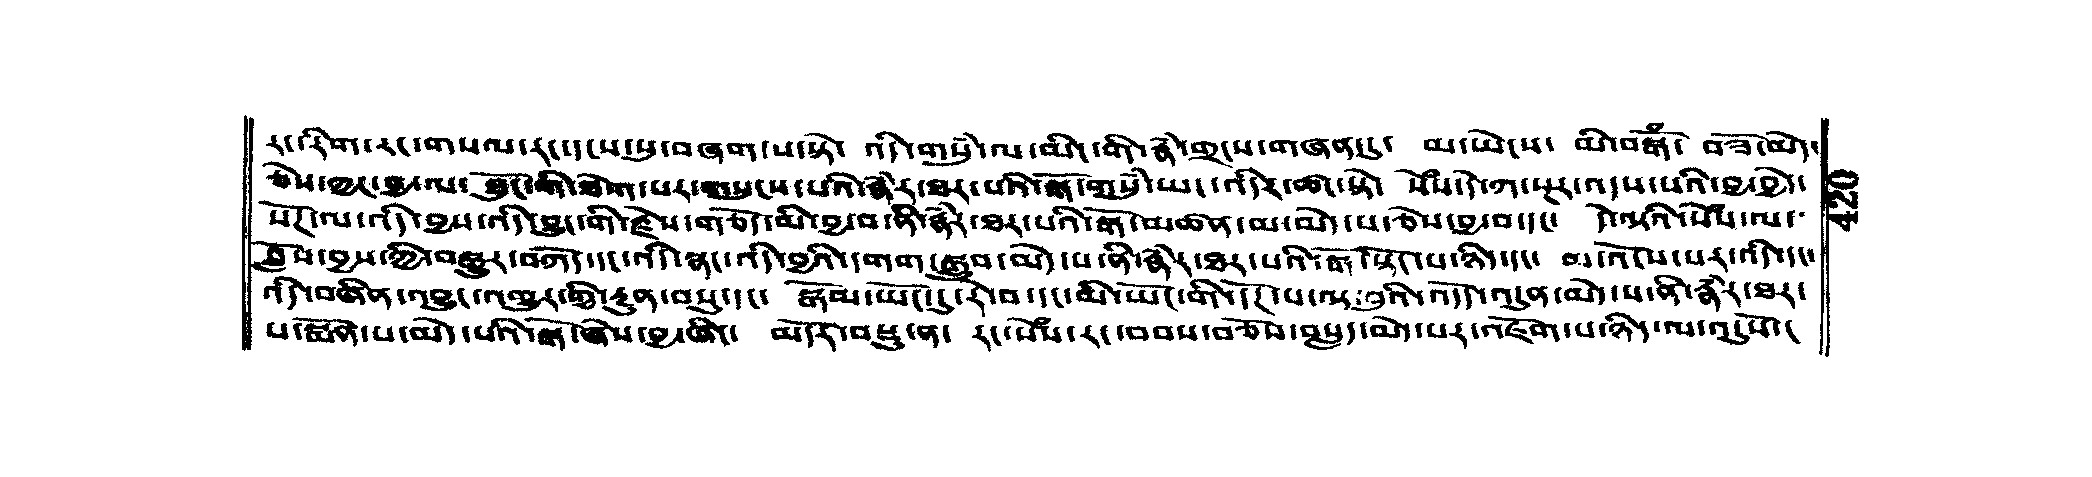རང་རིག་རང་གསལ་རང་དྭངས་སུ་བཞག་པ་སྟེ། འདི་གསུམ་ལ་མིང་གི་རྣམ་གྲངས་གཞན་དུ། མ་ཡེངས། མི་བསྒོམ། བཟོ་མེད་
ཅེས་ཀྱང་བྱ་ལ། ཐུན་མོང་གི་ཐེག་པར་གསུངས་པའི་རྣམ་པར་ཐར་པའི་སྒོ་གསུམ་ཡང་འདིར་ཚང་སྟེ། སེམས་དེ་ཀ་སྔར་འདས་པའི་བྱ་བྱེད་
སོགས་ལ་འདི་བྱས་འདི་བྱུང་གི་རྗེས་གཅོད་མི་བྱ་བ་ནི་རྣམ་པར་ཐར་པའི་སྒོ་མཚན་མ་མེད་པ་ཅེས་བྱ་བ་དང་། དེ་ལྟའི་སེམས་ལ་
བློས་བྱས་ཀྱི་བསྒྱུར་བཀོད་དང་འདི་སྣང་འདི་བྱའི་དགག་སྒྲུབ་མེད་པ་ནི་རྣམ་པར་ཐར་པའི་སྒོ་སྟོང་པ་ཉིད་དང་། མ་འོངས་པར་འདི་དང་
འདི་བཞིན་འབྱུང་འགྱུར་གྱི་སྔུན་བསུ་དང་། སྒོམ་ཡོང་དུ་རེ་བ་དང་མི་ཡོང་གི་དོགས་པ་ལྟ་བུའི་འདོད་འདུན་མེད་པ་ནི་རྣམ་པར་ཐར་
པ་སྨོན་པ་མེད་པའི་སྒོ་ཞེས་བྱ་ཞིང་། མདོར་བསྡུ་ན། རང་སེམས་རང་བབས་བཅོས་བསླད་མེད་པར་འཇོག་པ་ཉིད་ལ་འདུས་སོ།